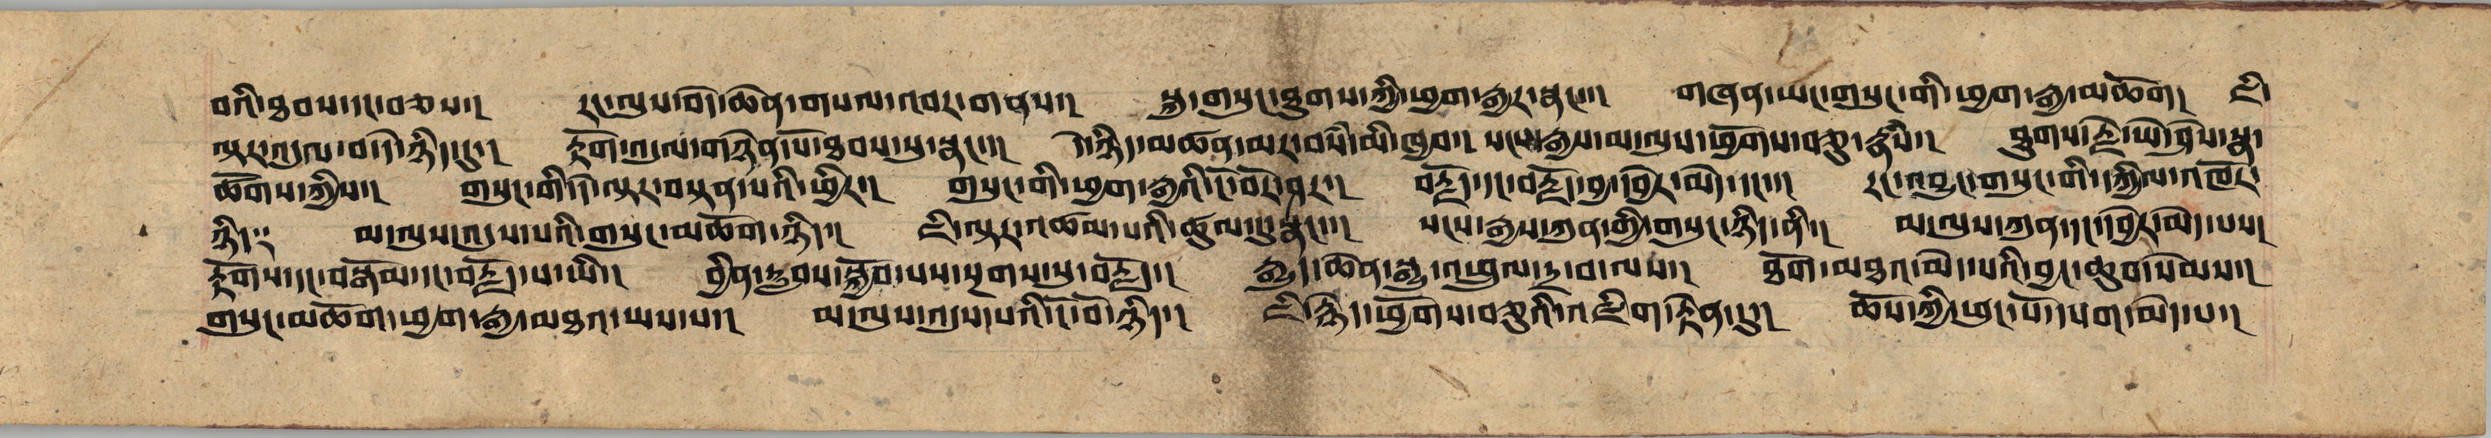བའི་ཐབས་དང་བཅས་། རང་ལུས་བདེ་ཆེན་གསལ་འབར་གནས་། སྐུ་གསུང་ཐུགས་ཀྱི་ཕྱག་རྒྱར་སྣང་་། གཞན་ཡང་གསུང་གི་ཕྱག་རྒྱ་མཆོག། ཇི་
ལྟར་འདུལ་བ་དེ་ཉིད་དུ་། རྟོག་འདུལ་གཉེན་པོ་ཐབས་སུ་སྣང་་། དེ་ཉིད་མཚན་མར་བསཾ་མི་ཁྱབ་། སངས་རྒྱས་མ་ལུས་ཕྱོགས་བཅུ་རྣཾས་། ཐུགས་རྗེ་ཡེ་ཤེས་སྣ་
ཚོགས་ཀྱིས་། གསུང་གི་དེ་ལྟར་བསྟན་པའི་ཕྱིར་། གསུང་གི་ཕྱག་རྒྱའི་ངོ་བོར་ཤར་། བརྗོད་དང་བརྗོད་བྱ་དབྱེར་མེད་དང་་། རང་འབྱུང་གསུང་གི་དཀྱིལ་འཁོར་
ཉིད༑ མལུས་འདུས་པའི་གསུང་མཆོག་ཉིད་། ཇི་ལྟར་འཚམ་པའི་ཚུལ་དུ་སྣང་་། སངས་རྒྱས་ཀུན་གྱི་གསུང་ཉིད་ནི་། མ་ལུས་ཀུན་དང་དབྱེར་མེད་པས་།
རྟོགས་དང་བསྒོམ་དང་བརྗོད་པ་ཡི་། བྱིན་རླབས་སྐྱོབ་པས་སྔགས་སུ་བརྗོད་། རྒྱུད་ཆེན་སྒྱུ་འཕྲུལ་དྲ་བ་ལས་། ཐོག་མཐའ་མེད་པའི་བྱང་ཆུབ་སེམས་།
གསུང་མཆོག་ཕྱག་རྒྱ་མཐའ་ཡས་པ་། མ་ལུས་འདུས་པའི་ངོ་བོ་ཉིད་། ཇི་རྙེད་ཕྱོགས་བཅུའི་འཇིག་རྟེན་དུ་། ཆོས་ཀྱི་ཕུང་པོ་དཔག་མེད་པ་།